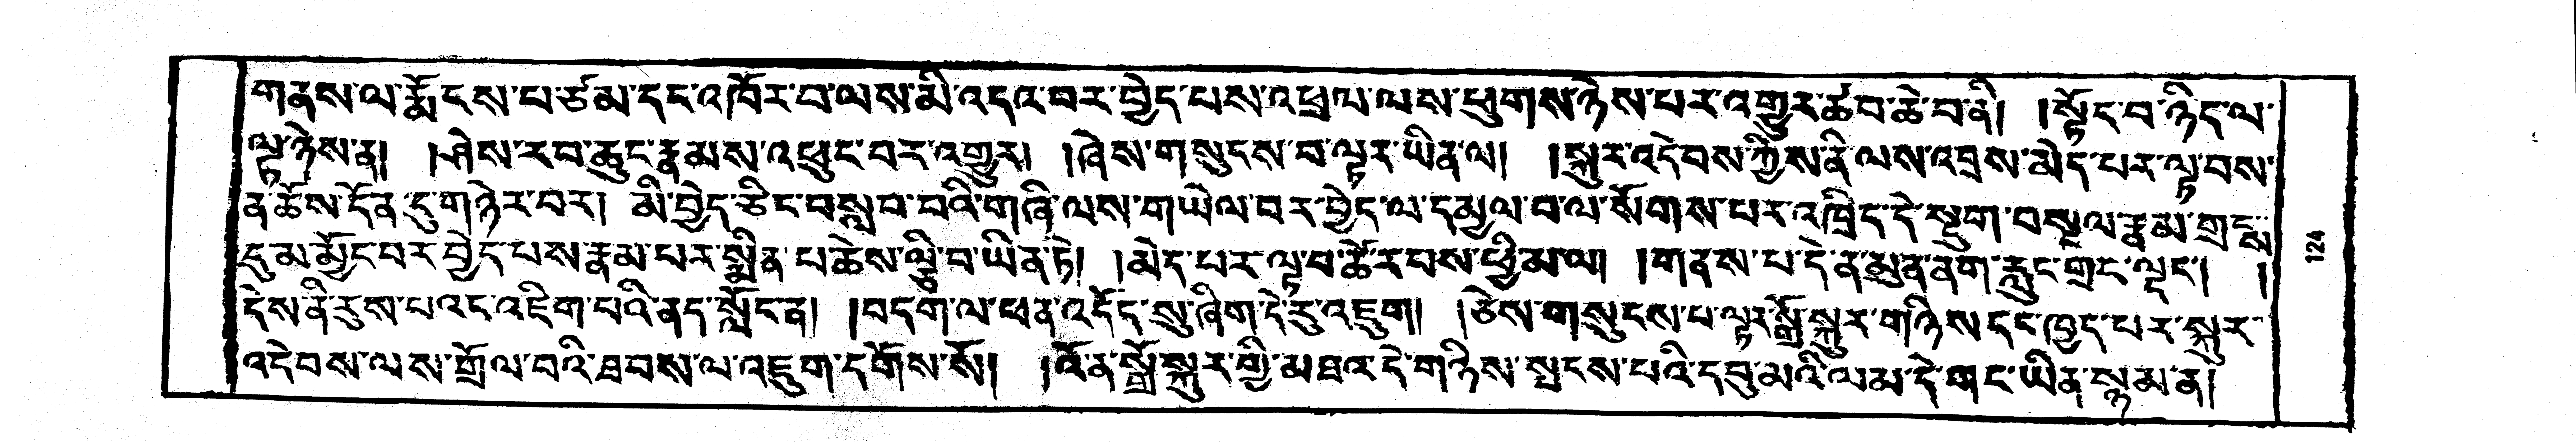གནས་ལ་རྨོངས་པ་ཙམ་དང་འཁོར་བ་ལས་མི་འདའ་བར་བྱེད་པས་འཕྲལ་ལས་ཕུགས་ཉེས་པར་འགྱུར་ཚབ་ཆེ་བ་ནི། །སྟོང་པ་ཉིད་ལ་
ལྟ་ཉེས་ན། །ཤེས་རབ་ཆུང་རྣམས་འཕུང་བར་འགྱུར། །ཞེས་གསུངས་པ་ལྟར་ཡིན་ལ། །སྐུར་འདེབས་ཀྱིས་ནི་ལས་འབྲས་མེད་པར་ལྟ་བས་
ན་ཆོས་དོན་དུ་གཉེར་བར། མི་བྱེད་ཅིང་བསླབ་པའི་གཞི་ལས་གཡེལ་བར་བྱེད་ལ་དམྱལ་བ་ལ་སོགས་པར་འཁྲིད་དེ་སྡུག་བསྔལ་རྣམ་གྲངས་
དུ་མ་མྱོང་བར་བྱེད་པས་རྣམ་པར་སྨིན་པ་ཆེས་ལྕི་བ་ཡིན་ཏེ། །མེད་པར་ལྟ་བ་ཚེ་རབས་ཕྱི་མ་ལ། །གནས་པ་དེ་ན་མུན་ནག་རླུང་གྲང་ལྡང་། །
དེས་ནི་རུས་པའང་འཇིག་པའི་ནད་སློང་ན། །བདག་ལ་ཕན་འདོད་སུ་ཞིག་དེ་རུ་འཇུག ། །ཅེས་གསུངས་པ་ལྟར་སྒྲོ་སྐུར་གཉིས་དང་ཁྱད་པར་སྐུར་
འདེབས་ལས་གྲོལ་བའི་ཐབས་ལ་འཇུག་དགོས་སོ། །འོ་ན་སྒྲོ་སྐུར་གྱི་མཐའ་དེ་གཉིས་སྤངས་པའི་དབུ་མའི་ལམ་དེ་གང་ཡིན་སྙམ་ན།